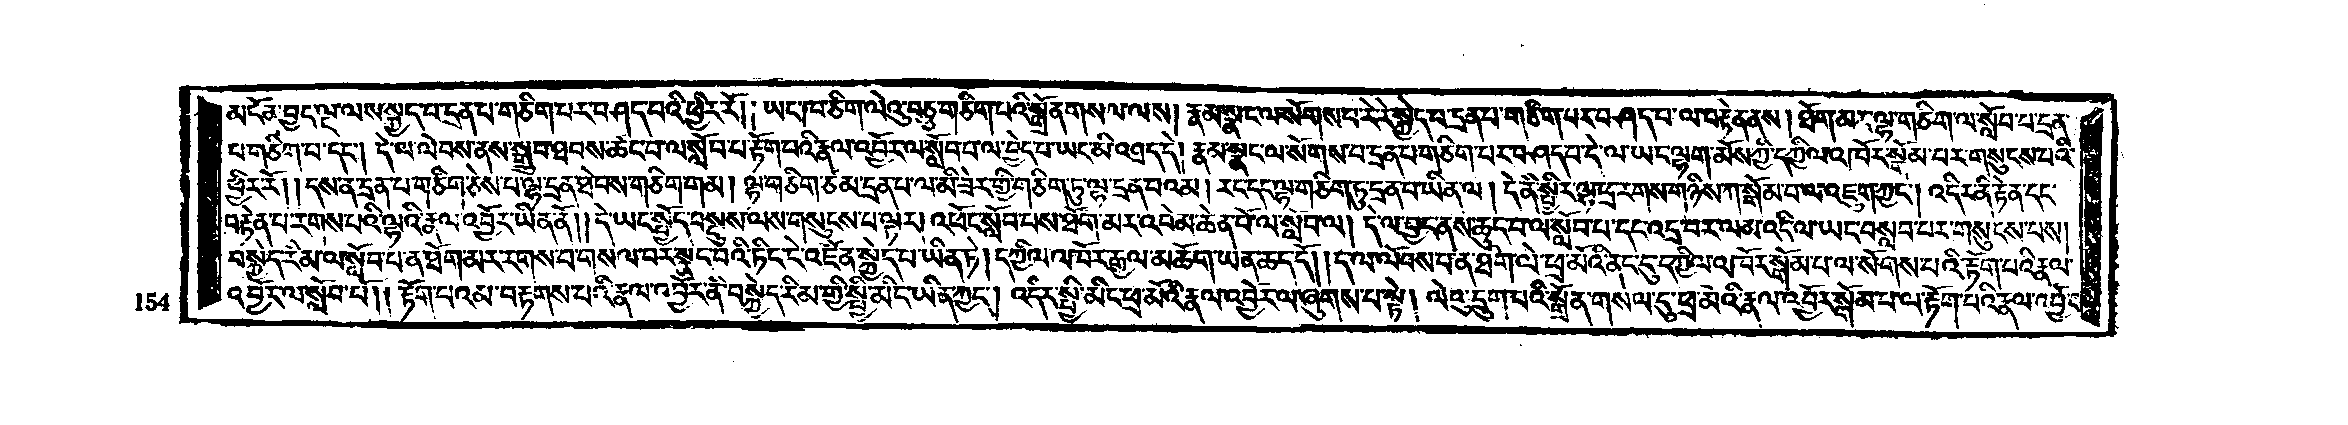མངོན་བྱང་ལྔ་ལས་སྐྱེད་པ་དྲན་པ་གཅིག་པར་བཤད་པའི་ཕྱིར་རོ། །ཡང་ཁ་ཅིག་ལེའུ་བཅུ་གཅིག་པའི་སྒྲོན་གསལ་ལས། རྣམ་སྣང་ལ་སོགས་པ་རེ་རེ་སྐྱེད་པ་དྲན་པ་གཅིག་པར་བཤད་པ་ལ་བརྟེན་ནས། ཐོག་མར་ལྷ་གཅིག་ལ་སློབ་པ་དྲན་
པ་གཅིག་པ་དང་། དེ་ལ་ལོབས་ནས་སྒྲུབ་ཐབས་ཚང་བ་ལ་སློབ་པ་རྟོག་པའི་རྣལ་འབྱོར་ལ་སློབ་པ་ལ་བྱེད་པ་ཡང་མི་འཐད་དེ། རྣམ་སྣང་ལ་སོགས་པ་དྲན་པ་གཅིག་པར་བཤད་པ་དེ་ལ་ཡང་ལྷག་མོས་ཀྱི་དཀྱིལ་འཁོར་སྒོམ་པར་གསུངས་པའི་
ཕྱིར་རོ། །དས་ན་དྲན་པ་གཅིག་ཅེས་པ་ལྷ་དྲན་ཐེབས་གཅིག་གམ། ལྷ་གཅིག་ཙམ་དྲན་པ་ལ་མི་ཟེར་གྱི་གཅིག་ཏུ་ལྷ་དྲན་པའམ། རང་དང་ལྷ་གཅིག་ཏུ་དྲན་པ་ཡིན་ལ། དེ་ནི་སྤྱིར་ལྷ་ཕྲ་རགས་གཉིས་ཀ་སྒོམ་པ་ལ་འཇུག་ཀྱང་། འདིར་ནི་རྟེན་དང་
བརྟེན་པ་རགས་པའི་ལྷའི་རྣལ་འབྱོར་ཡིན་ནོ། །དེ་ཡང་སྤྱོད་བསྡུས་ལས་གསུངས་པ་ལྟར། འཕོང་སློབ་པས་ཐོག་མར་འབེམ་ཆེན་པོ་ལ་སློབ་ལ། དེ་ལ་བྱང་ནས་ཆུང་བ་ལ་སློབ་པ་དང་འདྲ་བར་ལམ་འདི་ལ་ཡང་བསླབ་པར་གསུངས་པས།
བསྐྱེད་རིམ་ལ་སློབ་པ་ན་ཐོག་མར་རགས་པ་གསལ་བར་སྣང་བའི་ཏིང་ངེ་འཛིན་སྐྱེད་པ་ཡིན་ཏེ། དཀྱིལ་འཁོར་རྒྱལ་མཆོག་ཡན་ཆད་དོ། །དེ་ལ་ལོབས་པ་ན་ཐིག་ལེ་ཕྲ་མོའི་ནང་དུ་དཀྱིལ་འཁོར་སྒོམ་པ་ལ་སོགས་པའི་རྟོག་པའི་རྣལ་
འབྱོར་ལ་སློབ་པོ། །རྟོག་པའམ་བརྟགས་པའི་རྣལ་འབྱོར་ནི་བསྐྱེད་རིམ་གྱི་སྤྱི་མིང་ཡིན་ཀྱང་། འདིར་སྤྱི་མིང་ཕྲ་མོའི་རྣལ་འབྱོར་ལ་ཞུགས་པ་སྟེ། ལེའུ་དྲུག་པའི་སྒྲོན་གསལ་དུ་ཕྲ་མོའི་རྣལ་འབྱོར་སྒོམ་པ་ལ་རྟོག་པའི་རྣལ་འབྱོར་